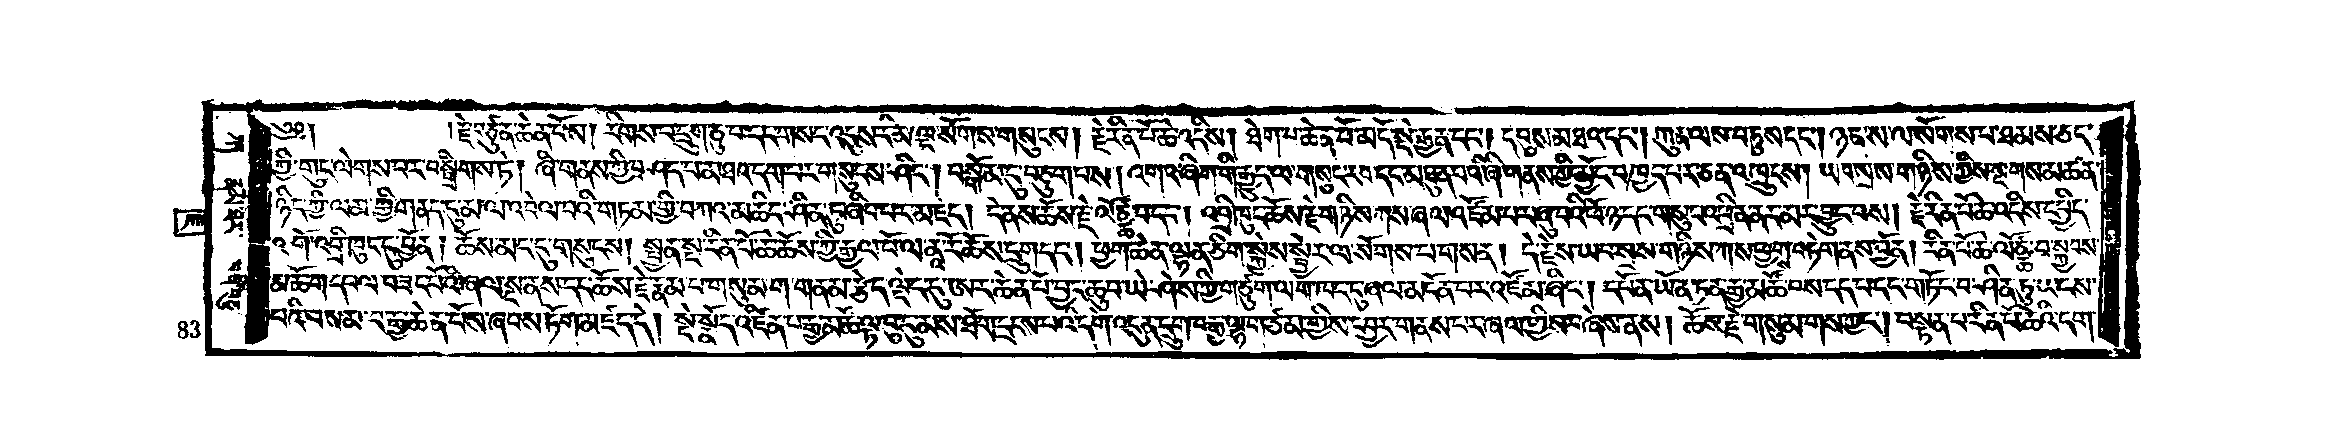༄༅། །རྗེ་བཙུན་ཆེན་པོས། རིགས་པ་དྲུག་ཅུ་པ་དང་གསང་འདུས་རིམ་ལྔ་སོགས་གསུངས། རྗེ་རིན་པོ་ཆེ་འདིས། ཐེག་པ་ཆེན་པོ་མདོ་སྡེ་རྒྱན་དང་། དབུས་མཐའ་དང་། ཀུན་ལས་བཏུས་དང་། ཉན་ས་ལ་སོགས་པ་ཐམས་ཅད་
ཀྱི་གུང་ལེགས་པར་བསྒྲིགས་ཏེ། ཞི་གནས་ཀྱི་བཤད་པ་མཐའ་དག་པར་གསུངས་ཤིང་། བསྒོམ་དུ་བཅུག་པས། འགའ་ཞིག་གི་རྒྱུད་ལ་གསུང་རབ་དང་མཐུན་པའི་ཞི་གནས་ཀྱི་མྱོང་བ་ཁྱད་པར་ཅན་འཁྲུངས། ཡབ་སྲས་གཉིས་ཀྱིས་སྔགས་མཚན་
ཉིད་ཀྱི་ལམ་གྱི་གནད་དུ་མ་ལ་འབེལ་བའི་གཏམ་གྱི་བཀའ་མཆིད་ཤིན་ཏུ་ཞིབ་པར་མཛད། དེ་ནས་ཆོས་རྗེ་ལོཙྪ་བ་དང་། འབྲི་ཁུང་ཆོས་རྗེ་གཉིས་ཀས་ཞལ་འཛོམ་པར་ཞུ་བའི་ཕོ་ཉ་དང་གསུང་འཕྲིན་ནར་མར་བྱུང་བས། རྗེ་རིན་པོ་ཆེ་འདིས་དཔྱིད་
འགོ་འབྲི་ཁུང་དུ་བྱོན། ཆོས་མང་དུ་གསུངས། སྤྱན་སྔ་རིན་པོ་ཆེ་ཆོས་ཀྱི་རྒྱལ་པོ་ལ་ནཱ་རོ་ཆོས་དྲུག་དང་། ཕྱག་ཆེན་ལྷན་ཅིག་སྐྱེས་སྦྱེར་ལ་སོགས་པ་གསན། དེ་རྗེས་ཡབ་སྲས་གཉིས་ཀས་ཕྱགས་བཏེག་ནས་བྱོན། རིན་པོ་ཆེ་ལོཙྪ་བ་སྐྱབས་
མཆོག་དཔལ་བཟང་པོའི་ཞལ་སྔ་ནས་དང་ཆོས་རྗེ་རྣམ་པ་གསུམ་ག་གནམ་རྩེད་ལྡེང་དུ་པར་ཆེན་པོ་བྱང་ཆུབ་ཡེ་ཤེས་ཀྱི་གཙུག་ལག་ཁང་དུ་ཞལ་མངོན་པར་འཛོམ་ཞིང་། དཔོན་ཡོན་ཏན་རྒྱ་མཚོ་བས་དད་པ་དང་གཏོང་བ་ཤིན་ཏུ་ཡངས་
པའི་བསམ་པ་བརྒྱ་ཆེན་པོས་ཞབས་ཏོག་མཛད་དེ། སྡེ་སྣོད་འཛིན་པ་རྒྱ་མཚོ་ལྟ་བུ་དུ་མས་ཐོག་དྲངས་པའི་དགེ་འདུན་དྲུག་བརྒྱ་ལྷག་ཙམ་གྱིས་དབྱར་གནས་པར་ཞལ་གྱིས་བཞེས་ནས། ཆོས་རྗེ་གསུམ་གས་ཀྱང་། བསྟན་པ་རིན་པོ་ཆེའི་དག་